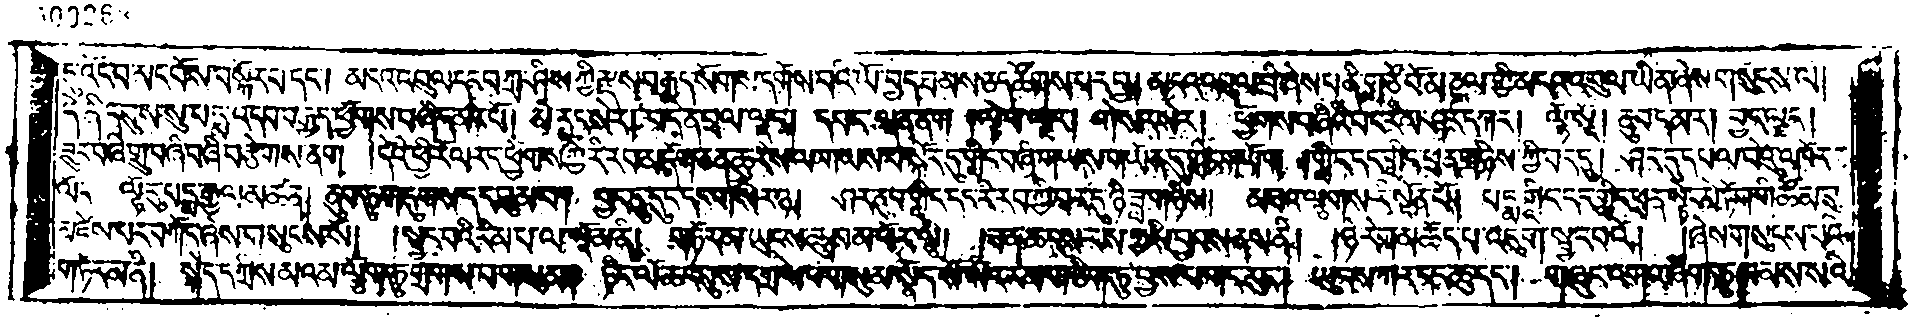དུ་འོང་བ་མང་བོས་བསྐོར་བ་དང་། མངའ་འབུལ་དང་བཀྲ་ཤིས་ཀྱི་རྫས་བརྒྱད་སོགས་དགོས་པའི་ཡོ་བྱད་ཐམས་ཅད་ཚོགས་པར་བྱ། མངའ་འབུལ་བྲི་ཞེས་པ་ནི་གཙོ་བོ་མཎྜལ་གྱི་མངའ་འབུལ་ཡིན་ཞེས་གསུངས་ལ།
དེ་ནི་དབུས་སུ་པདམ་འདབ་བརྒྱད་ཕྱོགས་བཞི་དམར་པོ། མེ་རླུང་སེར། བདེན་བྲལ་ལྗང་། དབང་ལྡན་ནག །ལྟེ་བ་ལྗང་། གེ་སར་སེར། ཕྱོགས་བཞིའི་བང་རིམ་ཤར་དཀར། ལྷོ་སྔོ། ནུབ་དམར། བྱང་ལྗང་།
ཟུར་བཞི་གྲུ་བཞི་བཞི་བརྩེགས་ནག །དེའི་ཕྱི་རོལ་རང་ཕྱོགས་ཀྱི་རི་རབ་མདོག་ཅན་ཆུ་རིས་ལ་གཡས་བསྐོར་དུ་གླིང་བཞི་གཡས་གཡོན་དུ་གླིང་གཡོག །གླིང་དང་གླིང་ཕྲན་གཉིས་ཀྱི་བར་དུ། ཤར་དུ་དཔལ་བེའུ་འཁོར་
ལོ༑ ལྷོ་རུ་པདམ་རྒྱལ་མཚན། ནུབ་ཏུ་གདུགས་དང་བུམ་པ། བྱང་དུ་དུང་དང་གསེར་ཉ། ཤར་ནུབ་གླིང་དང་རི་རབ་ཀྱི་བར་དུ་ཉི་ཟླ་གཉིས། མཐའ་ལྕགས་རི་སྔོན་པོ། པདམ་གླིང་དང་གླིང་ཕྲན་སྟེང་མེ་ཏོག་གི་ཚོམ་བུ་མཛེས་པར་བཀོད་ཞེས་གསུངས་སོ། །སྦྱང་བའི་རིམ་པ་ལ་སྡོམ་ནི། གཏོར་མ་ཡུངས་ཆུ་ཁམ་ཕོར་ལྕི། །ཟན་ཆངས་རས་ཀྱིས་བྱབས་ནས་ནི། །ཉེ་རེག་མཆོད་པ་འདུག་སྦྱང་བའོ། །ཞེས་གསུངས་པའི་
གཏོར་མ་ནི། སྐེད་དཀྲིས་མའམ་ལྕོག་ཏུ་གྲགས་པ་གསུམ། ཏིང་ལོ་ཆང་བུས་དཀྲེས་པ་གསུམ་སྣོད་སོ་སོར་རམ་གཅིག་ཏུ་བྱས་པ་གང་རུང་། ཡུངས་ཀར་དང་ཆུ་དང་། གཞུང་འགའ་ཞིག་ཏུ་ཁམས་སའི་